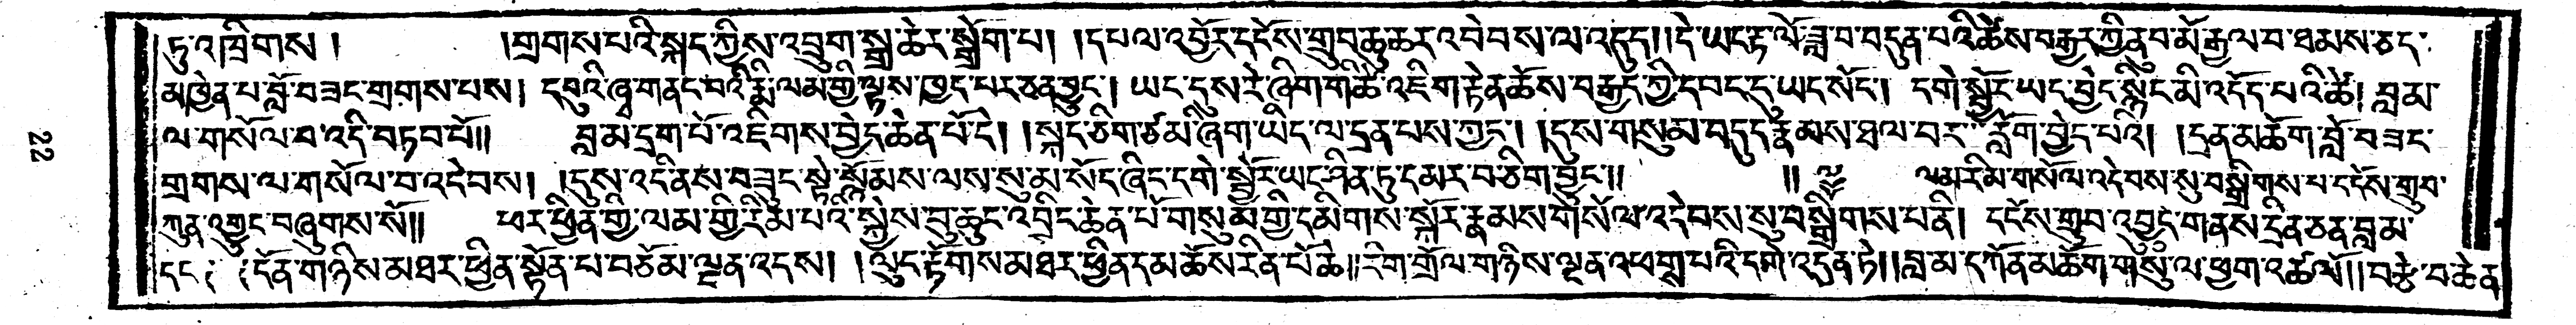ཏུ་འཁྲིགས། །གྲགས་པའི་སྐད་ཀྱིས་འབྲུག་སྒྲ་ཆེར་སྒྲོག་པ། །དཔལ་འབྱོར་དངོས་གྲུབ་ཆུ་ཆར་འབེབས་ལ་འདུད། །དེ་ཡང་རྟ་ལོ་ཟླ་བ་བདུན་པའི་ཚེས་བརྒྱར་ཀྱི་ནུབ་མོ་རྒྱལ་བ་ཐམས་ཅད་
མཁྱེན་པ་བློ་བཟང་གྲགས་པས། དབུའི་ཞྭ་གནང་བའི་རྨི་ལམ་གྱི་ལྟས་ཁྱད་པར་ཅན་བྱུང་། ཡང་དུས་རེ་ཞིག་གི་ཚེ་འཇིག་རྟེན་ཆོས་བརྒྱད་ཀྱི་དབང་དུ་ཡང་སོང་། དགེ་སྦྱོར་ཡང་བྱེད་སྙིང་མི་འདོད་པའི་ཚེ། བླ་མ་
ལ་གསོལ་བ་འདི་བཏབ་པོ།། བླ་མ་དྲག་པོ་འཇིགས་བྱེད་ཆེན་པོ་དེ། །སྐད་ཅིག་ཙམ་ཞིག་ཡིད་ལ་དྲན་པས་ཀྱང་། །དུས་གསུམ་བདུད་རྣམས་ཐལ་བར་རློག་བྱེད་པའི། །དྲན་མཆོག་བློ་བཟང་
གྲགས་ལ་གསོལ་བ་འདེབས། །དུས་འདི་ནས་བཟུང་སྟེ་སྙོམས་ལས་སུ་མ་སོད་ཞིང་དགེ་སྦྱོར་ཡང་ཤིན་ཏུ་དམར་བ་ཅིག་བྱུང།། །། ༈ ལམ་རིམ་གསོལ་འདེབས་སུ་བསྒྲིགས་པ་དངོས་གྲུབ་
ཀུན་འགྱུང་བཞུགས་སོ།། ཕར་ཕྱིན་གྱི་ལམ་གྱི་རིམ་པའི་སྐྱེས་བུ་ཆུང་འབྲིང་ཆེན་པོ་གསུམ་གྱི་དམིགས་སྐོར་རྣམས་གསོལ་འདེབས་སུ་བསྒྲིགས་པ་ནི། དངོས་གྲུབ་འབྱུང་གནས་དྲིན་ཅན་བླ་མ་
དང༑ ༑དོན་གཉིས་མཐར་ཕྱིན་སྟོན་པ་བཅོམ་ལྡན་འདས། །ལུང་རྟོགས་མཐར་ཕྱིན་དམ་ཆོས་རིན་པོ་ཆེ། །རིག་གྲོལ་གཉིས་ལྡན་འཕགས་པའི་དགེ་འདུན་ཏེ། །བླ་མ་དཀོན་མཆོག་གསུམ་ལ་ཕྱག་འཚལ་ལོ། །བརྩེ་བ་ཆེན་